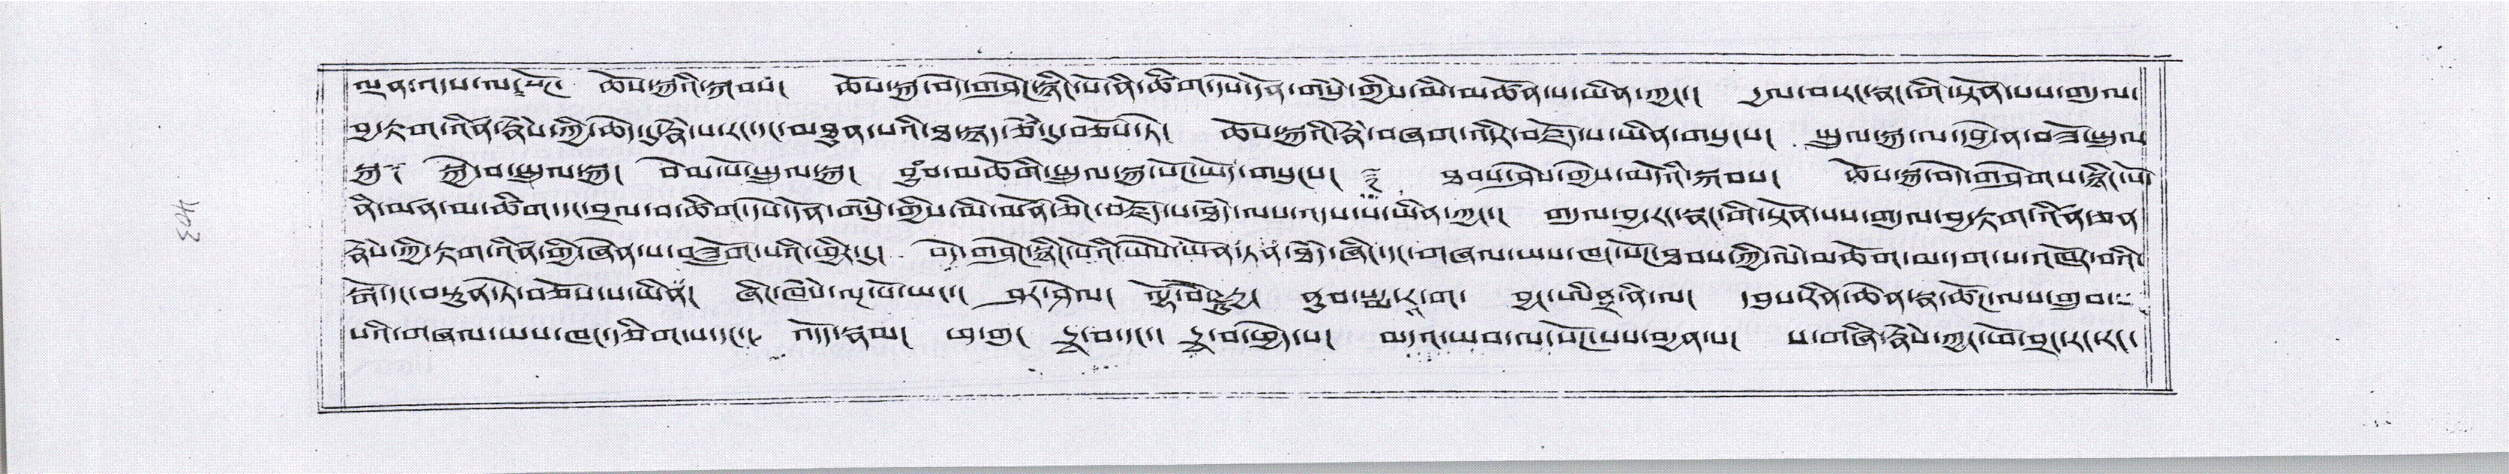ལྡན་འདས་ལ་སོགས། ཆོས་སྐུའི་སྐབས། ཆོས་སྐུ་བདེར་གཤེགས་སྙིང་པོ་ནི་ཚིག་དཔེ་དོན་གསུམ་གྱིས་མི་མཚོན་པ་ཡིན་ཀྱང་། རྒྱལ་བ་རང་སྣང་གི་སྟོན་པས་གདུལ་
བྱ་རྟག་འཛིན་ཅན་རྣམས་ཀྱི་ཆེད་དུ་རྣམ་པ་རང་དང་མཐུན་པའི་ཐ་སྙད་ཙམ་དུ་བཅོས་ཏེ། ཆོས་སྐུའི་རྣམ་གཞག་འདིར་བརྗོད་པ་ཡིན་གསུངས། སྤྲུལ་སྐུ་ལ་དབྱེ་ན་བཟོ་བོ་སྤྲུལ་
སྐུ། སྐྱེ་བ་སྤྲུལ་སྐུ། བེམ་པོ་སྤྲུལ་སྐུ། བྱང་ཆུབ་མཆོག་གི་སྤྲུལ་སྐུ་སོགས་ཡོད་གསུངས། ཐབས་ཤེས་ཀྱིས་མདོ་ཡི་སྐབས། ཆོས་སྐུ་བདེར་གཤེགས་སྙིང་པོ་
ནི་མཚན་མ་ཚིག་དང་བྲལ་བ་ཚིག་དཔེ་དོན་གསུམ་གྱིས་མི་མཚོན་ཅིང་བརྗོད་པ་ཐམས་ཅད་ལས་འདས་པ་ཡིན་ཀྱང་། གདུལ་བྱ་རང་སྣང་གི་སྟོན་པས་གདུལ་བྱ་རྟག་འཛིན་ཅན་
རྣམས་ཀྱི་རྟག་འཛིན་གྱི་ཞེན་པ་བཟློག་པའི་ཕྱིར་དུ། བདེར་གཤེགས་སྙིང་པོའི་ཡེ་ཤེས་ཡོན་ཏན་ཐམས་ཅད་ཞིང་དང་གཞལ་ཡས་ཁང་སོགས་ཐབས་ཀྱི་ལམ་མཆོག་མ་དག་པ་འཁོར་བའི་
སྒོ་དང་བསྟུན་ཏེ་བཅོས་པ་ཡིན། ཞིང་ཁམས་ལྔ་པོ་ཡང་། ཤར་ཤེལ། ལྷོ་བཱཻཌཱུརྱ། ནུབ་པདྨ་ར་ག བྱང་ཨིནྜ་ནི་ལ། དབུས་རིན་ཆེན་སྣ་ཚོགས་ལས་གྲུབ་པའི་
གཞལ་ཡས་ཁང་རྩིགས་པ་དང་། འདོད་སྣམ། ཕ་གུ། དྲྭ་བ་དང་དྲྭ་བ་ཕྱེད་པ། མདའ་ཡབ་ལ་སོགས་པས་བརྒྱན་པ། ས་གཞི་རྣམས་ཀྱང་ཕོ་བྲང་རང་རང་